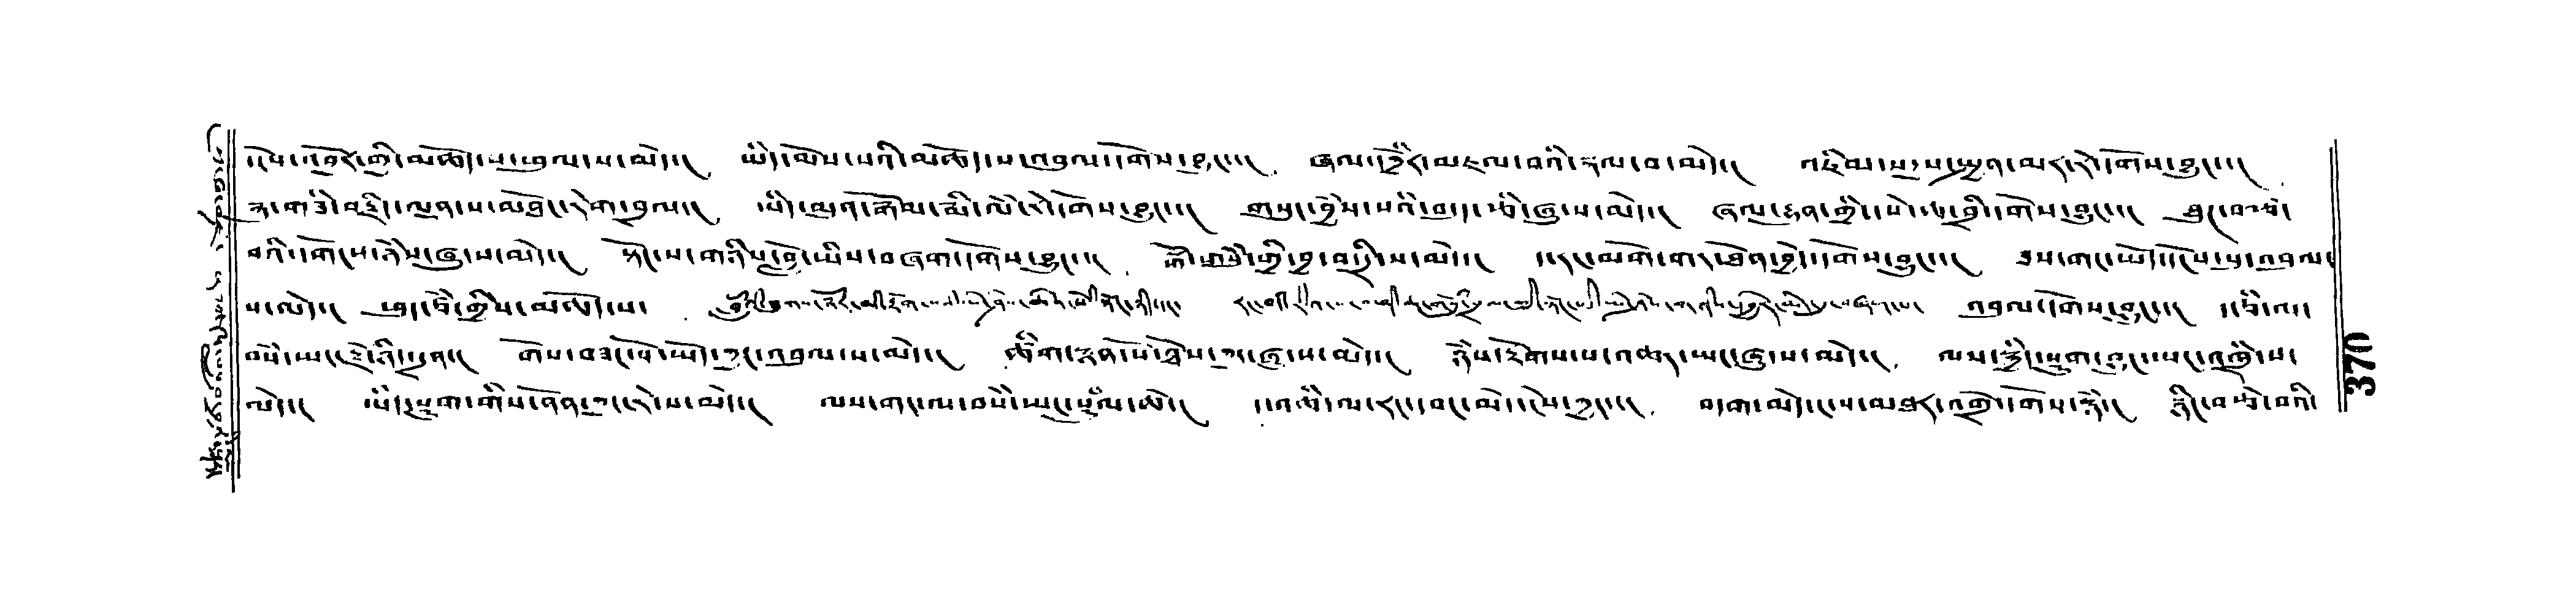།དངོས་འབྱོར་གྱི་མཆོད་པ་ཕུལ་ས་མེད། །ཡིད་མོས་པའི་མཆོད་པ་འབུལ་དགོས་བྱུང་། །ཞལ་དཀྱིལ་འཁོར་མཇལ་བའི་སྐལ་བ་མེད། །འཇིམ་སངས་རྒྱས་སྤྱན་མར་རེ་དགོས་བྱུང་། །
སྐུ་གཟི་བརྗིད་ལྡན་པ་མཐོང་རེག་བྲལ། །ཡིད་མུན་སྒོམ་རྨི་ལམ་རེ་དགོས་འབྱུང་། གསུང་བྱམས་པའི་བདུད་རྩི་ཞུ་ས་མེད། །ཞལ་རྒྱུན་གྱི་དཔེ་ཆ་བྲི་དགོས་བྱུང་། །ཐུགས་བརྩེ་
བའི་དགོངས་ཉམས་ཞུ་ས་མེད། །སྟོང་པ་གཉིས་བློ་ཡིས་བཞག་དགོས་བྱུང་། །སྒོ་གསུམ་གྱི་བྱ་བ་དྲི་ས་མེད། །ད་རང་མགོ་གར་ཐོན་བྱེད་དགོས་བྱུང་། །ཟས་གང་ཡོད་དངོས་སུ་འབུལ་
ས་མེད། །ཕུད་ཙམ་གྱིས་མཆོད་པ། བླ་མའི་ཐུགས་རྣམ་པར་མི་རྟོག་པའི་ཡེ་ཤེས་ཆེན་པོའི་སྟོང་ཉིད་དང་། རང་གི་རིག་པ་བཞི་ཆ་གསུམ་བྲལ་གྱི་སྟོང་པའི་ཡེ་ཤེས་གཉིས་དབྱེར་མེད་དུ་བཞག་པ། འབུལ་དགོས་བྱུང་། །ད་ཅི་ལ་
བསམ་ཡང་རྗེ་ཉིད་དྲན། །གོས་བཟང་པོ་ཡོད་ཀྱང་འབུལ་ས་མེད། །ཚིག་སྙན་པོ་ཐོས་ཀྱང་ཞུ་ས་མེད། །ཉམས་རྟོགས་པ་འཆར་ཡང་ཞུ་ས་མེད། །ལས་སྐྱིད་སྡུག་བྱུང་ཡང་འདྲི་ས་
མེད། །ཡིད་སྡུག་གི་ནོན་ཀྱང་རེ་ས་མེད། །ལས་གང་ལ་བསམ་ཡང་སྡུག་བསྔལ་ཆེ། །ད་འཆི་ལ་རང་དབང་མེད་ངེས་ཀྱང་། །བདག་མེད་ང་ས་མཐར་འགྲོ་དགོས་སྙམ། །སྙིང་བརྩེ་བའི་